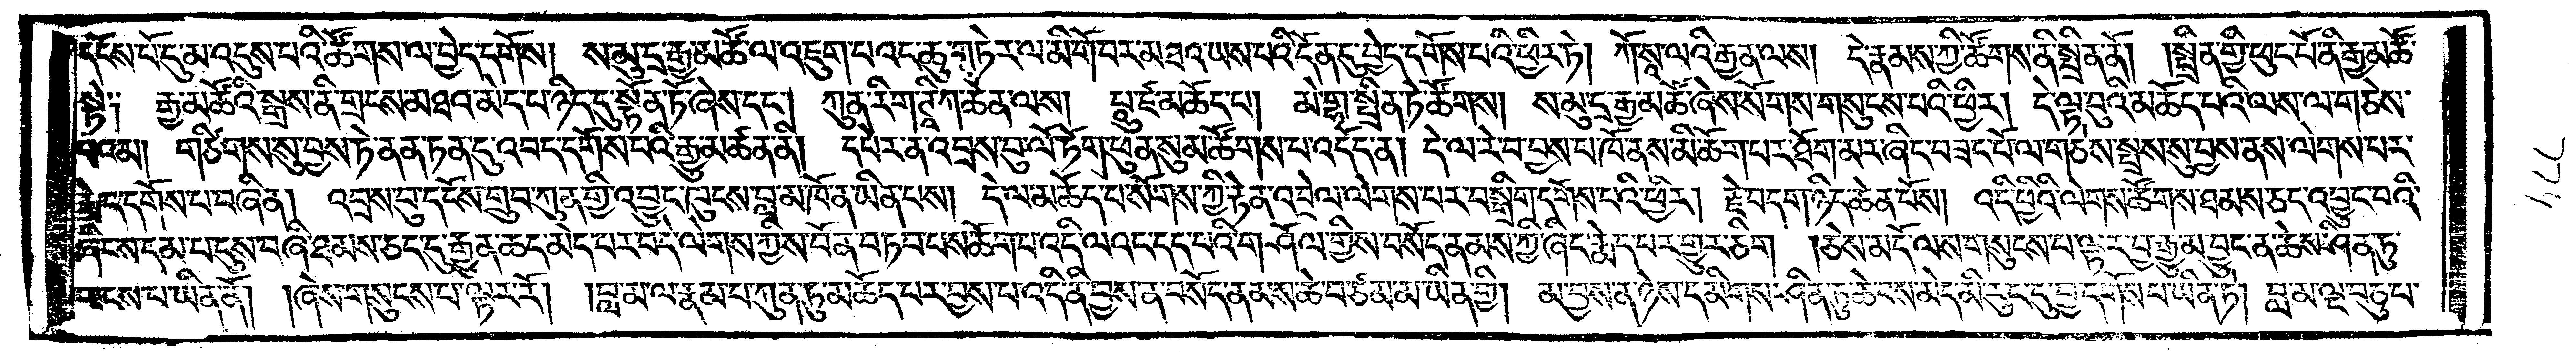དངོས་པོ་དུ་མ་འདུས་པའི་ཚོགས་ལ་བྱེད་དགོས། ས་མུ་དྲ་རྒྱ་མཚོ་ལ་འཇུག་པའང་ཆུ་གཏེར་ལ་མི་གོ་བར་མཐའ་ཡས་པའི་དོན་དུ་བྱེད་དགོས་པའི་ཕྱིར་ཏེ། ཀོ་ས་ལའི་རྒྱན་ལས། དེ་རྣམས་ཀྱི་ཚོགས་ནི་སྤྲིན་ནེ། །སྤྲིན་གྱི་ཕུང་པོ་ནི་རྒྱ་མཚོ་
སྟེ༑ རྒྱ་མཚོའི་སྒྲས་ནི་གྲངས་མཐའ་མེད་པ་ཉིད་དུ་སྟོན་ཏོ་ཞེས་དང་། ཀུན་རིག་ཊཱིཀ་ཆེན་ལས། པཱུ་ཛ་མཆོད་པ། མེ་གྷ་སྤྲིན་ཏེ་ཚོགས། ས་མུ་དྲ་རྒྱ་མཚོ་ཞེས་སོགས་གསུངས་པའི་ཕྱིར། དེ་ལྟ་བུའི་མཆོད་པའི་ལས་ལ་གཅེས་
བའམ། གཙིགས་སུ་བྱས་ཏེ་ནན་ཏན་དུ་འབད་དགོས་པའི་རྒྱུ་མཚན་ནི། དཔེར་ན་འབྲས་བུ་ལོ་ཏོག་ཕུན་སུམ་ཚོགས་པ་འདོད་ན། དེ་ལ་རེ་བ་བྱས་པ་ཁོ་ནས་མི་ཆོག་པར་ཐོག་མར་ཞིང་བཟང་པོ་ལ་གཅེས་སྤྲས་སུ་བྱས་ནས་ལེགས་པར་
རྨེད་དགོས་པ་བཞིན། འབྲས་བུ་དངོས་གྲུབ་ཀུན་གྱི་འབྱུང་ཁུངས་བླ་མ་ཁོ་ན་ཡིན་པས། དེ་ལ་མཆོད་པ་སོགས་ཀྱི་རྟེན་འབྲེལ་ལེགས་པར་བསྒྲིག་དགོས་པའི་ཕྱིར། རྗེ་བདག་ཉིད་ཆེན་པོས། འདི་བྱིའི་ལེགས་ཚོགས་ཐམས་ཅད་འབྱུང་བའི་
ཞིང་ས་དམ་པ་དུས་བཞི་ཐམས་ཅད་དུ་རྒྱུན་ཆད་མེད་པར་བདེ་ལེགས་ཀྱི་ས་བོན་བཏབ་པས་ཆོག་པ་འདི་ལའང་དད་པའི་གཤོལ་གྱིས་བསོད་ནམས་ཀྱི་ཞིང་རྨེད་པར་གྱུར་ཅིག །ཅེས་མདོ་ལས་གསུངས་པ་ལྟར་བྱ་རྒྱུ་མ་བྱུང་ན་ཆེས་ཤིན་ཏུ་
ཕངས་པ་ཡིན་ནོ། །ཞེས་གསུངས་པ་ལྟར་རོ། །བླ་མ་ལ་རྣམ་པ་ཀུན་ཏུ་མཆོད་པར་བྱས་པ་འདི་ནི་བྱས་ན་བསོད་ནམས་ཆེ་བཙམ་མ་ཡིན་གྱི། མ་བྱས་ན་ཉེས་དམིགས་ཤིན་ཏུ་ཆེ་བས་མེད་མི་རུང་དུ་བྱ་དགོས་པ་ཡིན་ཏེ། བླ་མ་ལྟ་བཅུ་པ་